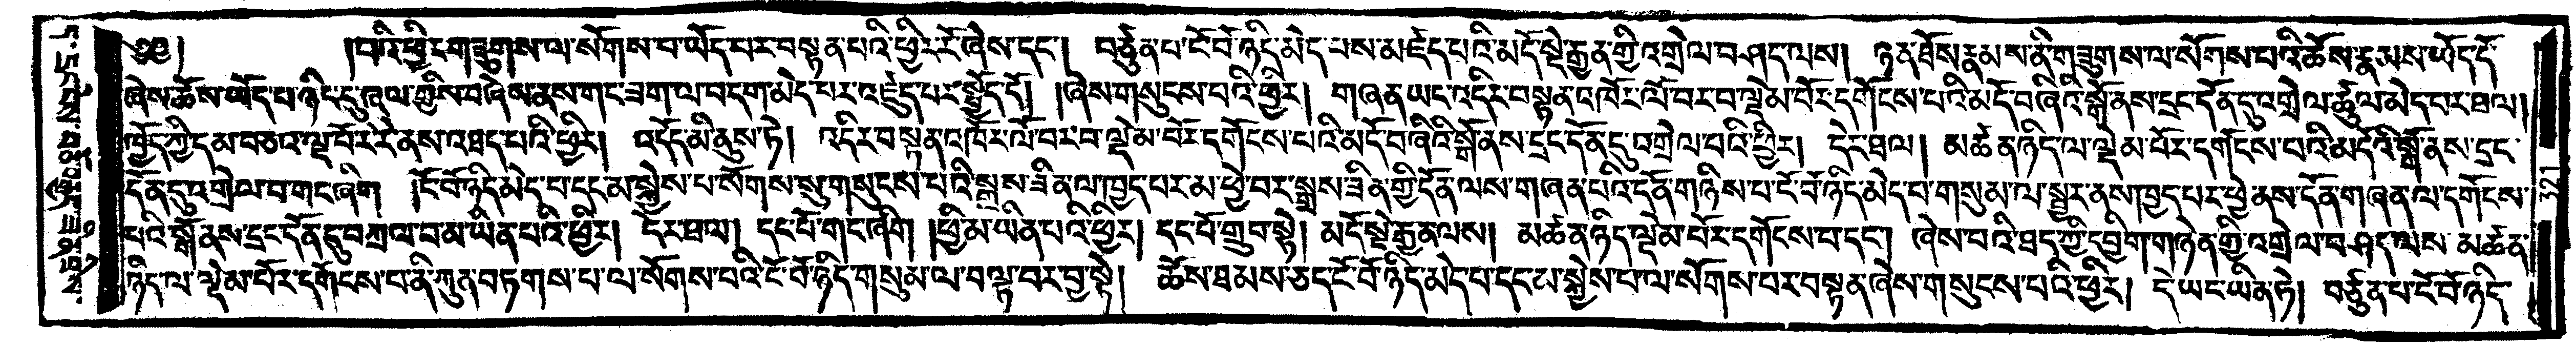༄༅། །པའི་ཕྱིར་གཟུགས་ལ་སོགས་པ་ཡོད་པར་བསྟན་པའི་ཕྱིར་རོ་ཞེས་དང་། བཙུན་པ་ངོ་བོ་ཉིད་མེད་པས་མཛད་པའི་མདོ་སྡེ་རྒྱན་གྱི་འགྲེལ་བཤད་ལས། ཉན་ཐོས་རྣམས་ནི་གཟུགས་ལ་སོགས་པའི་ཆོས་རྣམས་ཡོད་དོ་
ཞེས་ཆོས་ཡོད་པ་ཉིད་དུ་ཞལ་གྱིས་བཞེས་ནས་གང་ཟག་ལ་བདག་མེད་པར་འཛུད་པར་སྤྱོད་དོ། །ཞེས་གསུངས་པའི་ཕྱིར། གཞན་ཡང་འདིར་བསྟན་འཁོར་ལོ་བར་བ་ལྡེམ་པོར་དགོངས་པའི་མདོ་བཞིའི་སྒོ་ནས་དྲང་དོན་དུ་འགྲེལ་ཚུལ་མེད་པར་ཐལ།
ཁྱོད་ཀྱི་དམ་བཅའ་ལྔ་པོ་རེ་རེ་ནས་འཐད་པའི་ཕྱིར། འདོད་མི་ནུས་ཏེ། འདིར་བསྟན་འཁོར་ལོ་བར་བ་ལྡེམ་པོར་དགོངས་པའི་མདོ་བཞིའི་སྒོ་ནས་དྲང་དོན་དུ་འགྲེལ་པའི་ཕྱིར། དེར་ཐལ། མཚན་ཉིད་ལ་ལྡེམ་པོར་དགོངས་པའི་མདོའི་སྒོ་ནས་དྲང་
དོན་དུ་འགྲེལ་བ་གང་ཞིག །ངོ་བོ་ཉིད་མེད་པ་དང་མ་སྐྱེས་པ་སོགས་སུ་གསུངས་པའི་སྒྲས་ཟིན་ལ་ཁྱད་པར་མ་ཕྱེ་བར་སྒྲས་ཟིན་གྱི་དོན་ལས་གཞན་པའི་དོན་གཉིས་པ་ངོ་བོ་ཉིད་མེད་པ་གསུམ་ལ་སྦྱར་ནས་ཁྱད་པར་ཕྱེ་ནས་དོན་གཞན་ལ་དགོངས་
པའི་སྒོ་ནས་དྲང་དོན་དུ་བཀྲལ་བ་མ་ཡིན་པའི་ཕྱིར། དེར་ཐལ། དང་པོ་གང་ཞིག །ཕྱི་མ་ཡིན་པའི་ཕྱིར། དང་པོ་གྲུབ་སྟེ། མདོ་སྡེ་རྒྱན་ལས། མཚན་ཉིད་ལྡེམ་པོར་དགོངས་པ་དང་། ཞེས་པའི་ཐད་ཀྱི་དབྱིག་གཉེན་གྱི་འགྲེལ་བཤད་ལས་མཚན་
ཉིད་ལ་ལྡེམ་པོར་དགོངས་པ་ནི་ཀུན་བཏགས་པ་ལ་སོགས་པའི་ངོ་བོ་ཉིད་གསུམ་ལ་བལྟ་བར་བྱ་སྟེ། ཆོས་ཐམས་ཅད་ངོ་བོ་ཉིད་མེད་པ་དང་མ་སྐྱེས་པ་ལ་སོགས་པར་བསྟན་ཞེས་གསུངས་པའི་ཕྱིར། དེ་ཡང་ཡིན་ཏེ། བཙུན་པ་ངོ་བོ་ཉིད་